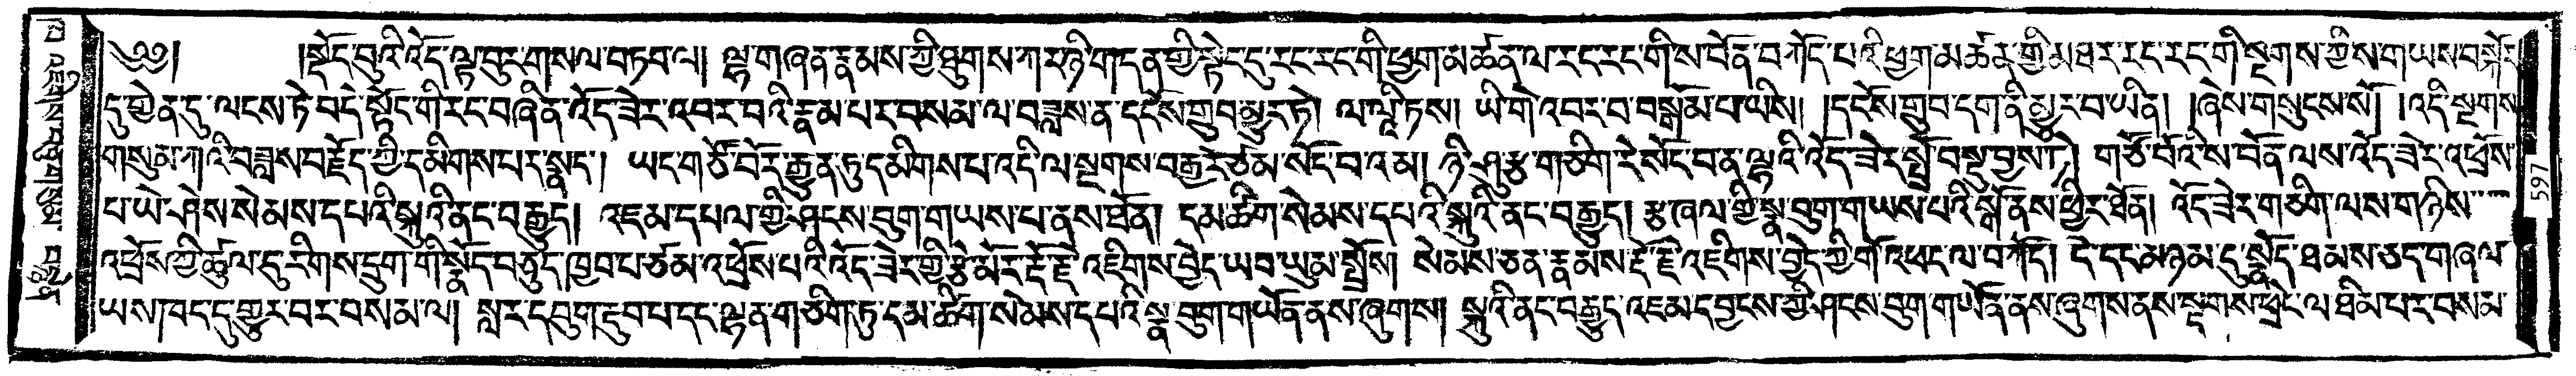༄༅། །སྡོང་བུའི་འོད་ལྟ་བུར་གསལ་བཏབ་ལ། ལྷ་གཞན་རྣམས་ཀྱི་ཐུགས་ཀར་ཉི་གདན་གྱི་སྟེང་དུ་རང་རང་གི་ཕྱག་མཚན་ལ་རང་རང་གི་ས་བོན་བཀོད་པའི་ཕྱག་མཚན་གྱི་མཐར་རང་རང་གི་སྔགས་ཀྱིས་གཡས་བསྐོར་
དུ་གྱེན་དུ་ལངས་ཏེ་བདེ་སྟོང་གི་རང་བཞིན་འོད་ཟེར་འབར་བའི་རྣམ་པར་བསམ་ལ་བཟླས་ན་དངོས་གྲུབ་མྱུར་ཏེ། ལ་ལཱི་ཏས། ཡི་གེ་འབར་བ་བསྒོམ་པ་ཡིས། །དངོས་གྲུབ་དག་ནི་མྱུར་བ་ཡིན། །ཞེས་གསུངས་སོ། །འདི་སྔགས་
གསུམ་ཀའི་བཟླས་བརྗོད་ཀྱི་དམིགས་པར་སྣང་། ཡང་གཙོ་བོར་རྒྱུན་ཏུ་དམིགས་པ་འདི་ལ་སྔགས་བརྒྱ་རེ་ཙམ་སོང་བ་འམ། ཉི་ཤུ་རྩ་གཅིག་རེ་སོང་བ་ན་ལྷའི་འོད་ཟེར་སྤྲོ་བསྡུ་བྱས་ཏེ། གཙོ་བོའི་ས་བོན་ལས་འོད་ཟེར་འཕྲོས་
པ་ཡེ་ཤེས་སེམས་དཔའི་སྐུའི་ནང་བརྒྱུད། འཇམ་དཔལ་གྱི་ཤངས་བུག་གཡས་པ་ནས་ཐོན། དམ་ཚིག་སེམས་དཔའི་སྐུའི་ནང་བརྒྱུད། རྩ་ཞལ་གྱི་སྣ་བུག་གཡས་པའི་སྒོ་ནས་ཕྱིར་ཐོན། འོད་ཟེར་གཅིག་ལས་གཉིས་
འཕྲོས་ཀྱི་ཚུལ་དུ་རིགས་དྲུག་གི་སྣོད་བཅུད་ཁྱབ་པ་ཙམ་འཕྲོས་པའི་འོད་ཟེར་གྱི་རྩེ་མོར་རྡོ་རྗེ་འཇིགས་བྱེད་ཡབ་ཡུམ་སྤྲོས། སེམས་ཅན་རྣམས་རྡོ་རྗེ་འཇིགས་བྱེད་ཀྱི་གོ་འཕང་ལ་བཀོད། དེ་དང་མཉམ་དུ་སྣོད་ཐམས་ཅད་གཞལ་
ཡས་ཁང་དུ་གྱུར་པར་བསམ་ལ། སླར་དབུག་རྡུབ་པ་དང་ལྷན་གཅིག་ཏུ་དམ་ཚིག་སེམས་དཔའི་སྣ་བུག་གཡོན་ནས་ཞུགས། སྐུའི་ནང་བརྒྱུད་འཇམ་དབྱངས་ཀྱི་ཤངས་བུག་གཡོན་ནས་ཞུགས་ནས་སྔགས་ཕྲེང་ལ་ཐིམ་པར་བསམ་